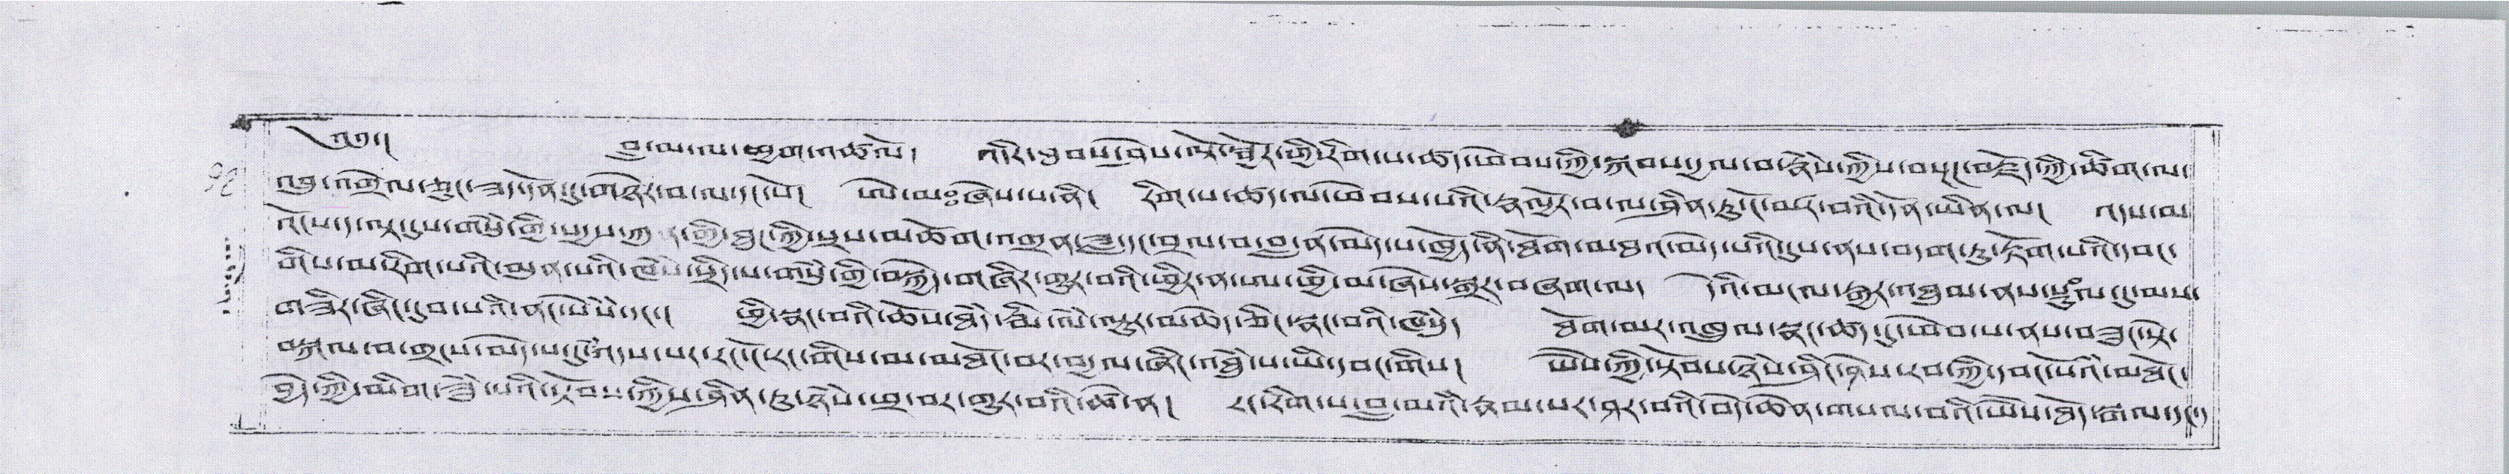༄༅།། བླ་མ་ལ་ཕྱག་འཚལ་ལོ། འདིར་ཐབས་ཤེས་ལྟོ་སྦྱོར་གྱི་རིག་པ་ཚད་ཕེབས་ཀྱི་སྐབས་རྒྱལ་བ་རྣམས་ཀྱིས་བསྔགས་བརྗོད་ཀྱི་ཚིག་ལ་
འབྲུ་འགྲེལ་ཅུང་ཟད་དོན་དུ་གཉེར་བ་ལ་དང་པོ། ཨེ་མཿཞེས་པ་ནི། རིག་པ་ཚད་ལ་ཕེབས་པའི་རྣལ་འབྱོར་བ་ལ་ཤིན་ཏུ་ངོ་མཚར་བའི་དོན་ཡིན་ལ། འདས་མ་
འོངས་ད་ལྟ་དུས་གསུམ་གྱི་སངས་རྒྱས་ཀུན་གྱི་ཐུགས་ཀྱི་སྲས་མཆོག་འགྲན་ཟླ་དང་བྲལ་བ་བླ་ན་མེད་པ་ཁྱོད་ནི་ཐོག་མཐའ་མེད་པའི་དུས་ནས་བདག་ཏུ་རྟོག་པའི་དབང་
གིས་མ་རིག་པའི་མུན་པའི་ཁམས་སྲིད་པ་གསུམ་གྱི་བསྐྱེད་གཞིར་གྱུར་བའི་ཕྱིར་ན་ཨ་ཕྱི་མ་ཞེས་སྒྲར་བཞག་ལ། དེའི་མངལ་རྒྱར་འཐུམ་ནས་སྡུག་བསྔལ་དུ་མས་
བསྐལ་བ་གྲངས་མེད་པ་དུ་འདས་པར་རང་ངོ་རང་གིས་མ་མཐོང་བར་བརྒྱལ་ཞིང་འཐུམ་པ་ཡི་དབང་གིས། ཡེ་ཤེས་ཀྱི་སྟོབས་ཉམས་ཤིང་ཤེས་རབ་ཀྱི་དབང་པོའི་མཐོང་
བྱེད་ཀྱི་མིག་ཟླུམ་པའི་སྟོབས་ཀྱིས་ཤིན་ཏུ་ཉམས་ཕྲ་བར་གྱུར་བའི་ཚེ་ན། རང་རིག་པ་བླ་མའི་རྣམ་པར་ཤར་བའི་བདེ་ཆེན་གསལ་བའི་ཡེ་ཤེས་ཐོད་རྒལ་དང་